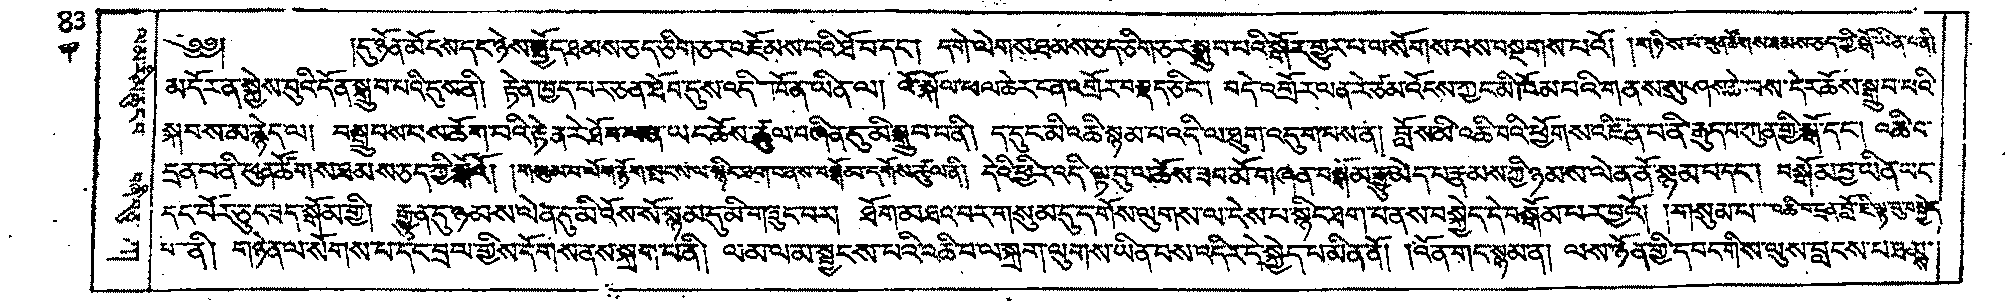༄༅། །དུ་ཉོན་མོངས་དང་ཉེས་སྤྱོད་ཐམས་ཅད་ཅིག་ཅར་འཇོམས་པའི་ཐོ་བ་དང་། དགེ་ལེགས་ཐམས་ཅད་ཅིག་ཅར་སྒྲུབ་པའི་སྒོར་གྱུར་པ་ལ་སོགས་པས་བསྔགས་པའོ། ། གཉིས་པ་ཕུན་ཚོགས་ཐམས་ཅད་ཀྱི་སྒོ་ཡིན་པ་ནི།
མདོར་ན་སྐྱེས་བུའི་དོན་སྒྲུབ་པའི་དུས་ནི། རྟེན་ཁྱད་པར་ཅན་ཐོབ་དུས་འདི་ཁོ་ན་ཡིན་ལ། འོ་སྐོལ་ཕལ་ཆེར་ངན་འགྲོར་བསྡད་ཅིང་། བདེ་འགྲོར་ལན་རེ་ཙམ་འོངས་ཀྱང་མི་ཁོམ་པའི་གནས་སུ་ཤས་ཆེ་བས་དེར་ཆོས་སྒྲུབ་པའི་
སྐབས་མ་རྙེད་ལ། བསྒྲུབས་པས་ཆོག་པའི་རྟེན་རེ་ཐོབ་པ་ན་ཡང་ཆོས་ཚུལ་བཞིན་དུ་མི་སྒྲུབ་པ་ནི། ད་དུང་མི་འཆི་སྙམ་པ་འདི་ལ་ཐུག་འདུག་པས་ན། བློས་མི་འཆི་བའི་ཕྱོགས་འཛིན་པ་ནི་རྒུད་པ་ཀུན་གྱི་སྒོ་དང་། འཆི་བ་
དྲན་པ་ནི་ཕུན་ཚོགས་ཐམས་ཅད་ཀྱི་སྒོའོ། ། གསུམ་པ་ལོག་རྟོག་སྤངས་ལ་སྙིང་ཐག་པ་ནས་བསྒོམ་དགོས་ཚུལ་ནི།  དེའི་ཕྱིར་འདི་ལྟ་བུ་ལ་ཆོས་ཟབ་མོ་གཞན་བསྒོམ་རྒྱུ་མེད་པ་རྣམས་ཀྱི་ཉམས་ལེན་ནོ་སྙམ་པ་དང་། བསྒོམ་བྱ་ཡིན་ཡང་
དང་པོར་ཅུང་ཟད་སྒོམ་གྱི། རྒྱུན་དུ་ཉམས་ལེན་དུ་མི་འོས་སོ་སྙམ་དུ་མི་གཟུང་བར། ཐོག་མཐའ་བར་གསུམ་དུ་དགོས་ལུགས་ལ་ངེས་པ་སྙིང་ཐག་པ་ནས་བསྐྱེད་དེ་བསྒོམ་པར་བྱའོ། །གསུམ་པའཆི་བ་དྲན་བློ་ཇི་ལྟ་བུ་བསྐྱེད་
པནི། གཉེན་ལ་སོགས་པ་དང་བྲལ་གྱིས་དོགས་ནས་སྐྲག་པ་ནི། ལམ་ལ་མ་སྦྱངས་པའི་འཆི་བ་ལ་སྐྲག་ལུགས་ཡིན་པས་འདིར་དེ་སྐྱེད་པ་མིན་ནོ། །འོ་ན་གང་སྙམ་ན། ལས་ཉོན་གྱི་དབང་གིས་ལུས་བླངས་པ་ཐམས་